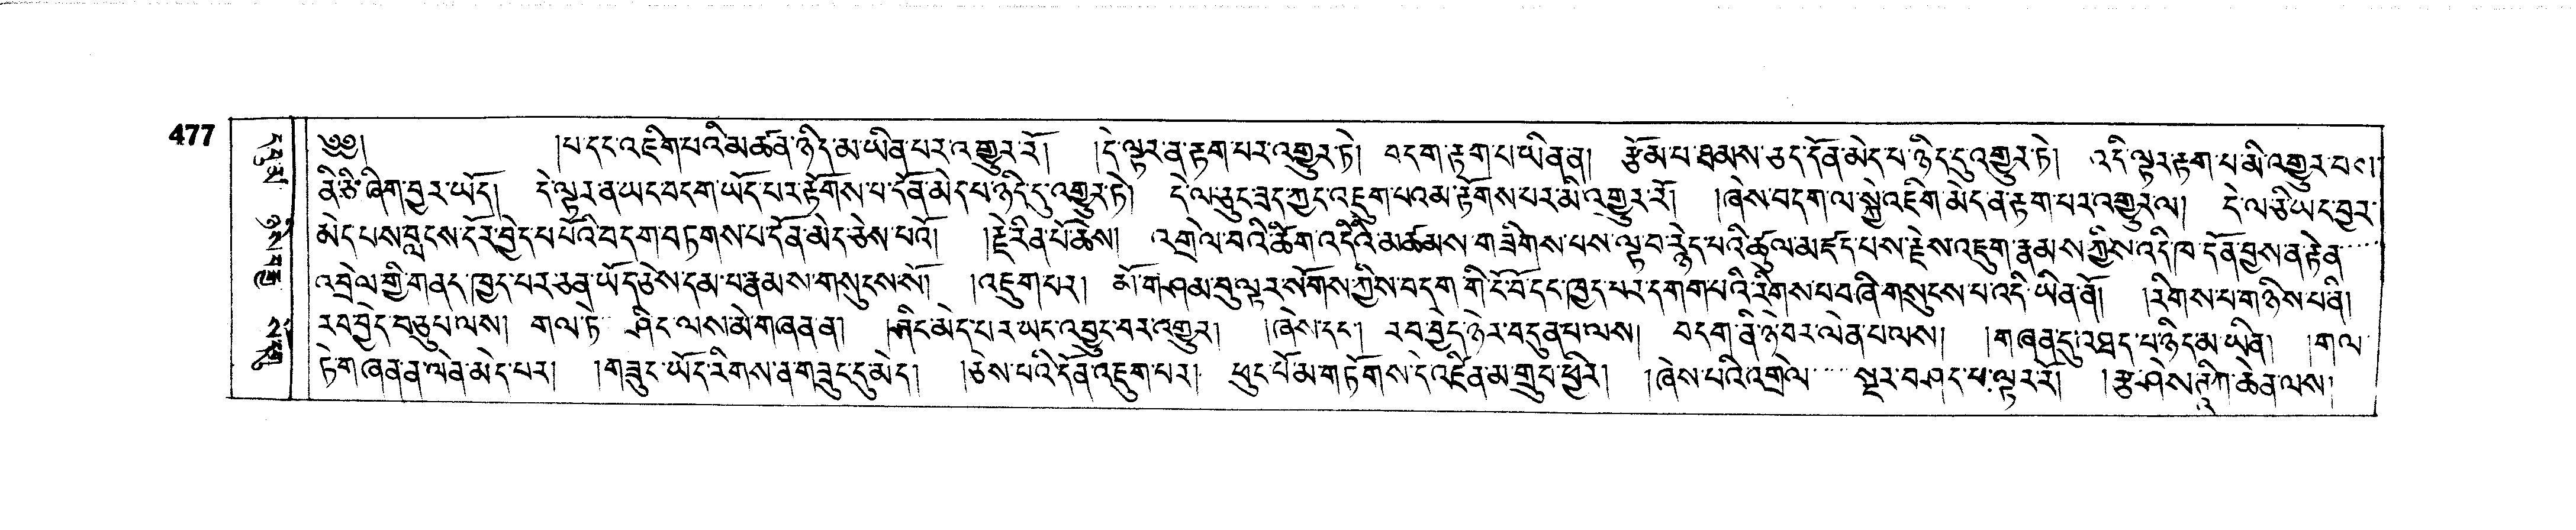༄༅། །པ་དང་འཇིག་པའི་མཚན་ཉིད་མ་ཡིན་པར་འགྱུར་རོ། །དེ་ལྟར་ན་རྟག་པར་འགྱུར་ཏེ། བདག་རྟག་པ་ཡིན་ན། རྩོམ་པ་ཐམས་ཅད་དོན་མེད་པ་ཉིད་དུ་འགྱུར་ཏེ། འདི་ལྟར་རྟག་པ་མི་འགྱུར་བ་པས་
ནི་ཅི་ཞིག་བྱར་ཡོད། དེ་ལྟར་ན་ཡང་བདག་ཡོད་པར་རྟོགས་པ་དོན་མེད་པ་ཉིད་དུ་འགྱུར་ཏེ། དེ་ལ་ཅུང་ཟད་ཀྱང་འཇུག་པའམ་རྟོགས་པར་མི་འགྱུར་རོ། །ཞེས་བདག་ལ་སྐྱེ་འཇིག་མེད་ན་རྟག་པར་འགྱུར་ལ། དེ་ལ་ཅི་ཡང་བྱར་
མེད་པས་བླངས་དོར་བྱེད་པ་པོའི་བདག་བཏགས་པ་དོན་མེད་ཅེས་པའོ། །རྗེ་རིན་པོ་ཆེས། འགྲེལ་བའི་ཚིག་འདིའི་མཚམས་གཟིགས་པས་ལྟ་བ་རྙེད་པའི་ཚུལ་མཛད་པས་རྗེས་འཇུག་རྣམས་ཀྱིས་འདི་ཁ་དོན་བྱས་ན་རྟེན་
འབྲེལ་གྱི་གནད་ཁྱད་པར་ཅན་ཡོད་ཅེས་དམ་པ་རྣམས་གསུངས་སོ། །འཇུག་པར། མོ་གཤམ་བུ་ལྟར་སོགས་ཀྱིས་བདག་གི་ངོ་བོ་དང་ཁྱད་པར་དགག་པའི་རིགས་པ་བཞི་གསུངས་པ་འདི་ཡིན་ནོ། །རིགས་པ་གཉིས་པ་ནི།
རབ་བྱེད་བཅུ་པ་ལས། གལ་ཏེ་ཤིང་ལས་མེ་གཞན་ན། །ཤིང་མེད་པར་ཡང་འབྱུང་བར་འགྱུར། །ཞེས་དང་། རབ་བྱེད་ཉེར་བདུན་པ་ལས། བདག་ནི་ཉེ་བར་ལེན་པ་ལས། །གཞན་དུ་འཐད་པ་ཉིད་མ་ཡིན། །གལ་
ཏེ་གཞན་ན་ལེན་མེད་པར། །གཟུང་ཡོད་རིགས་ན་གཟུང་དུ་མེད། །ཅེས་པའི་དོན་འཇུག་པར། ཕུང་པོ་མ་གཏོགས་དེ་འཛིན་མ་གྲུབ་ཕྱིར། །ཞེས་པའི་འགྲེལ་སྔར་བཤད་པ་ལྟར་རོ། །རྩ་ཤེས་ཊཱིཀ་ཆེན་ལས།